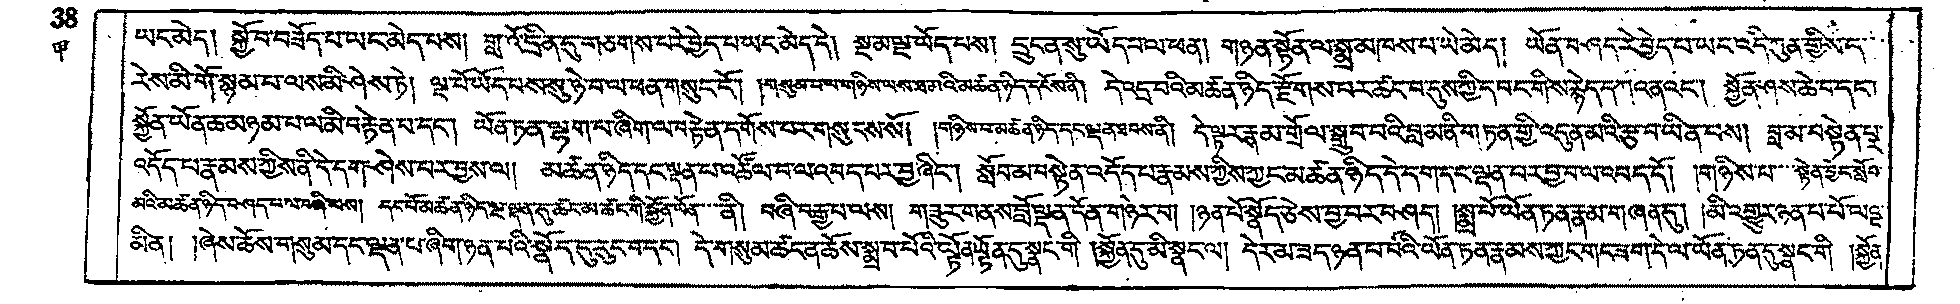ཡང་མེད། སྐྱོ་བ་བཟོད་པ་ཡང་མེད་པས། གླ་འོ་དྲིན་དུ་གཅགས་པ་རེ་བྱེད་པ་ཡང་མེད་དེ། སྔ་མ་ལྔ་ཡོད་པས། དྲུང་ན་སུ་ཡོད་པ་ལ་ཕན། གཉན་སྟོན་ལ་སྨྲ་མཁས་པ་ཡེ་མེད། ཡོན་བཤད་རེ་བྱེད་པ་ཡང་འདི་ཀུན་གྱིས་ད་
རེས་མི་གོ་སྙམ་པ་ལས་མི་ཤེས་ཏེ། ལྔ་པོ་ཡོད་པས་སུ་ཉེ་བ་ལ་ཕན་གསུང་ངོ། །གསུམ་པ་ལ་གཉིས་ལས་ཐ་མའི་མཚན་ཉིད་དངོས་ནི།  དེ་འདྲ་བའི་མཚན་ཉིད་རྫོགས་པར་ཚང་བ་དུས་ཀྱི་དབང་གིས་རྙེད་དཀའ་ནའང་། སྐྱོན་ཤས་ཆེ་བ་དང་།
སྐྱོན་ཡོན་ཆ་མཉམ་པ་ལ་མི་བརྟེན་པ་དང་། ཡོན་ཏན་ལྷག་པ་ཞིག་ལ་བརྟེན་དགོས་པར་གསུངས་སོ། །གཉིས་པ་མཚན་ཉིད་དང་ལྡན་ཐབས་ནི།  དེ་ལྟར་རྣམ་གྲོལ་སྒྲུབ་པའི་བླ་མ་ནི་གཏན་གྱི་འདུན་མའི་རྩ་བ་ཡིན་པས། བླ་མ་བསྟེན་པྲ་
འདོད་པ་རྣམས་ཀྱིས་ནི་དེ་དག་ཤེས་པར་བྱས་ལ། མཚན་ཉིད་དང་ལྡན་པ་འཚོལ་བ་ལ་འབད་པར་བྱ་ཞིང་། སློབ་མ་བསྟེན་འདོད་པ་རྣམས་ཀྱིས་ཀྱང་མཚན་ཉིད་དེ་དག་དང་ལྡན་པར་བྱ་བ་ལ་འབད་དོ། །གཉིས་པསྟེན་བྱེད་སློབ་
མའི་མཚན་ཉིད་བཤད་པ་ལ་བཞི་ལས། དང་པོ་མཚན་ཉིད་ལྔ་ལྡན་དུ་ཚང་མ་ཚང་གི་སྐྱོན་ཡོནྣི། བཞི་བརྒྱ་པ་ལས། གཟུར་གནས་བློ་ལྡན་དོན་གཉེར་བ། །ཉན་པོ་སྣོད་ཅེས་བྱ་བར་བཤད། །སྨྲ་པོ་ཡོན་ཏན་རྣམ་གཞན་དུ། །མི་འགྱུར་ཉན་པ་པོ་ལའང་
མིན། །ཞེས་ཆོས་གསུམ་དང་ལྡན་པ་ཞིག་ཉན་པའི་སྣོད་དུ་རུང་བ་དང་། དེ་གསུམ་ཚང་ན་ཆོས་སྨྲ་བ་པོའི་ཡྟོཉྟོན་དུ་སྣང་གི །སྐྱོན་དུ་མི་སྣང་ལ། དེར་མ་ཟད་ཉན་པ་པོའི་ཡོན་ཏན་རྣམས་ཀྱང་གང་ཟག་དེ་ལ་ཡོན་ཏན་དུ་སྣང་གི །སྐྱོན་